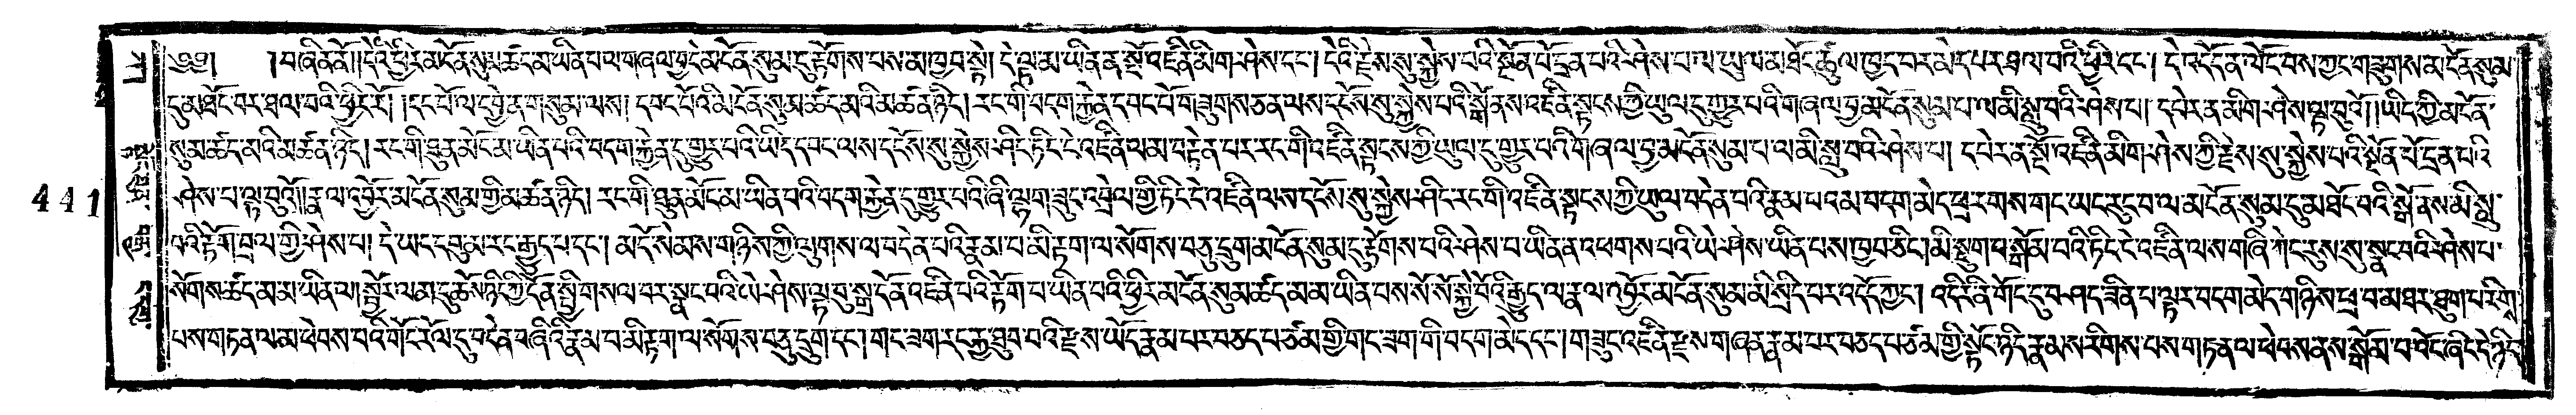༄༅། །བཞིན་ནོ། །དེའི་ཕྱིར་མངོན་སུམ་ཚད་མ་ཡིན་པ་ལ་གཞལ་བྱ་དེ་མངོན་སུམ་དུ་རྟོགས་པས་མ་ཁྱབ་སྟེ། དེ་ལྟ་མ་ཡིན་ན་སྔོ་འཛིན་མིག་ཤེས་དང་། དེའི་རྗེས་སུ་སྐྱེས་པའི་སྔོན་པོ་དྲན་པའི་ཤེས་པ་ལ་ཡུལ་མཐོང་ཚུལ་ཁྱད་པར་མེད་པར་ཐལ་བའི་ཕྱིར་དང་། དེ་འདོད་ན་ལོང་བས་ཀྱང་གཟུགས་མངོན་སུམ་
དུ་མཐོང་བར་ཐལ་བའི་ཕྱིར་རོ། །དང་པོ་ལ་དབྱེ་ན་གསུམ་ལས། དབང་པོའི་མངོན་སུམ་ཚད་མའི་མཚན་ཉིད། རང་གི་བདག་རྐྱེན་དབང་པོ་གཟུགས་ཅན་ལས་དངོས་སུ་སྐྱེས་པའི་སྒོ་ནས་འཛིན་སྟངས་ཀྱི་ཡུལ་དུ་གྱུར་པའི་གཞལ་བྱ་མངོན་སུམ་པ་ལ་མི་སླུ་བའི་ཤེས་པ། དཔེར་ན་མིག་ཤེས་ལྟ་བུའོ། །ཡིད་ཀྱི་མངོན་
སུམ་ཚད་མའི་མཚན་ཉིད། རང་གི་ཐུན་མོང་མ་ཡིན་པའི་བདག་རྐྱེན་དུ་གྱུར་པའི་ཡིད་དབང་ལས་དངོས་སུ་སྐྱེས་ཤིང་ཏིང་ངེ་འཛིན་ལམ་བརྟེན་པར་རང་གི་འཛིན་སྟངས་ཀྱི་ཡུལ་དུ་གྱུར་པའི་གཞལ་བྱ་མངོན་སུམ་པ་ལ་མི་སླུ་བའི་ཤེས་པ། དཔེར་ན་སྔོ་འཛིན་མིག་ཤེས་ཀྱི་རྗེས་སུ་སྐྱེས་པའི་སྔོན་པོ་དྲན་པའི་
ཤེས་པ་ལྟ་བུའོ། །རྣལ་འབྱོར་མངོན་སུམ་གྱི་མཚན་ཉིད། རང་གི་ཐུན་མོང་མ་ཡིན་པའི་བདག་རྐྱེན་དུ་གྱུར་པའི་ཞི་ལྷག་ཟུང་འབྲེལ་གྱི་ཏིང་ངེ་འཛིན་ལས་དངོས་སུ་སྐྱེས་ཤིང་རང་གི་འཛིན་སྟངས་ཀྱི་ཡུལ་བདེན་པའི་རྣམ་པའམ་བདག་མེད་ཕྲ་རགས་གང་ཡང་རུང་བ་ལ་མངོན་སུམ་དུ་མཐོང་བའི་སྒོ་ནས་མི་སླུ་
བའི་རྟོག་བྲལ་གྱི་ཤེས་པ། དེ་ཡང་དབུ་མ་རང་རྒྱུད་པ་དང་། མདོ་སེམས་གཉིས་ཀྱི་ལུགས་ལ་བདེན་པའི་རྣམ་པ་མི་རྟག་ལ་སོགས་བཅུ་དྲུག་མངོན་སུམ་དུ་རྟོགས་པའི་ཤེས་པ་ཡིན་ན་འཕགས་པའི་ཡེ་ཤེས་ཡིན་པས་ཁྱབ་ཅིང་། མི་སྡུག་པ་སྒོམ་བའི་ཏིང་ངེ་འཛིན་ལས་གཞི་ཀེང་རུས་སུ་སྣང་བའི་ཤེས་པ་
སོགས་ཚད་མ་མ་ཡིན་ལ། སྦྱོར་ལམ་དུ་ཆོས་ཉིད་ཀྱི་དོན་སྤྱི་གསལ་བར་སྣང་བའི་ཡེ་ཤེས་ལྟ་བུ་སྒྲ་དོན་འཛིན་པའི་རྟོག་པ་ཡིན་པའི་ཕྱིར་མངོན་སུམ་ཚད་མ་མ་ཡིན་པས་སོ་སོ་སྐྱེ་བོའི་རྒྱུད་ལ་རྣལ་འབྱོར་མངོན་སུམ་མི་སྲིད་པར་འདོད་ཀྱང་། འདིར་ནི་གོང་དུ་བཤད་ཟིན་པ་ལྟར་བདག་མེད་གཉིས་ཕྲ་བ་མཐར་ཐུག་པ་རིགས་
པས་གཏན་ལ་མ་ཕེབས་པའི་གོང་རོལ་དུ་བདེན་བཞིའི་རྣམ་པ་མི་རྟག་ལ་སོགས་བཅུ་དྲུག་དང་། གང་ཟག་རང་རྐྱ་ཐུབ་པའི་རྫས་ཡོད་རྣམ་པར་བཅད་པ་ཙམ་གྱི་གང་ཟག་གི་བདག་མེད་དང་། གཟུང་འཛིན་རྫས་གཞན་རྣམ་པར་བཅད་པ་ཙམ་གྱི་སྟོང་ཉིད་རྣམས་རིགས་པས་གཏན་ལ་ཕེབས་ནས་སྒོམ་པ་འོང་ཞིང་དེ་ཉིད་